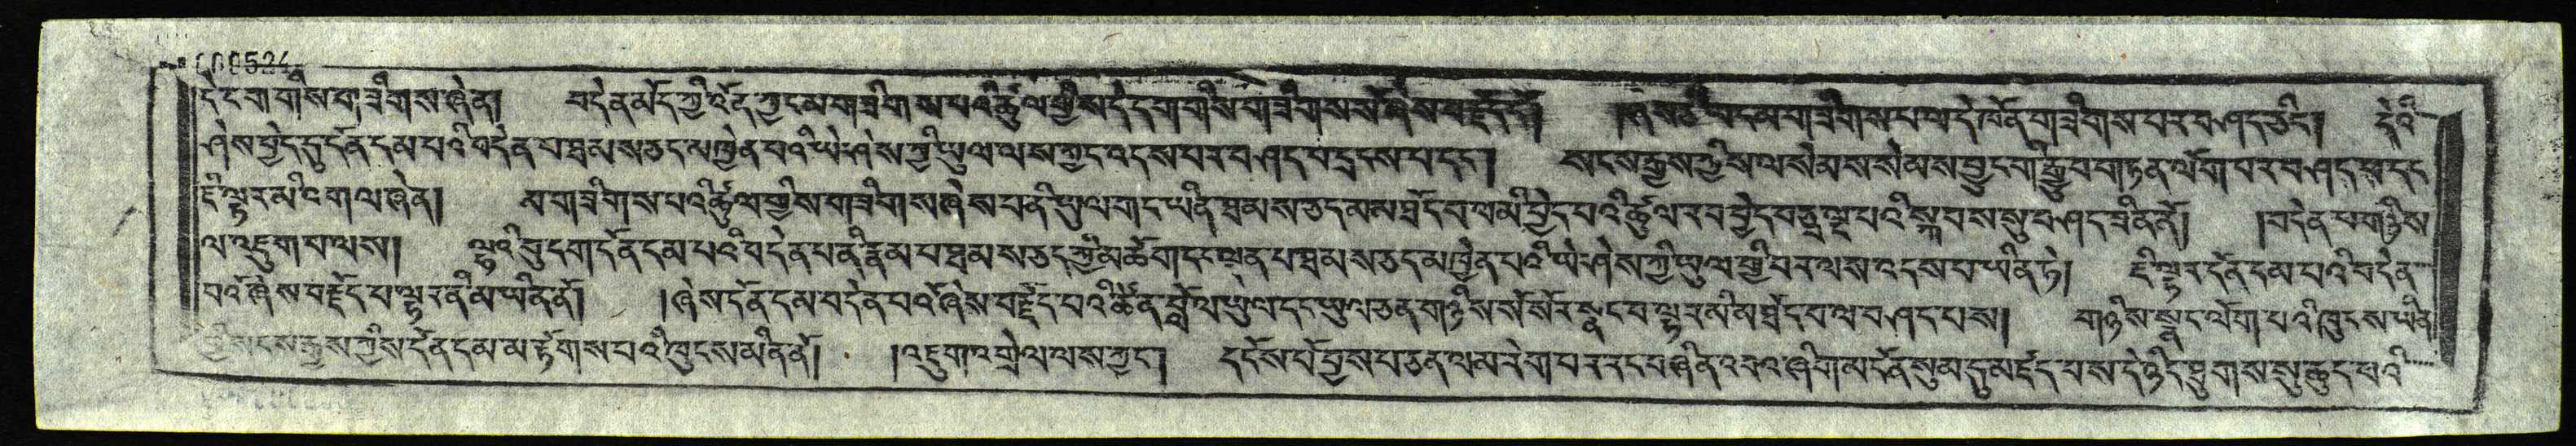དེ་དག་གིས་གཟིགས་ཞེ་ན། བདེན་མོད་ཀྱི་འོན་ཀྱང་མ་གཟིགས་པའི་ཚུལ་གྱིས་དེ་དག་གིས་གཟིགས་སོ་ཞེས་བརྗོད་དོ། །ཞེས་ཅི་ཡང་མ་གཟིགས་པ་ལ་དེ་ཁོ་ན་གཟིགས་པར་བཤད་ཅིང་། དེའི་
ཤེས་བྱེད་དུ་དོན་དམ་པའི་བདེན་པ་ཐམས་ཅད་མཁྱེན་པའི་ཡེ་ཤེས་ཀྱི་ཡུལ་ལས་ཀྱང་འདས་པར་བཤད་པ་དྲངས་པ་དང་། སངས་རྒྱས་ཀྱིས་ལ་སེམས་སེམས་བྱུང་གི་རྒྱུ་བ་གཏན་ལོག་པར་བཤད་པ་དང་
ཇི་ལྟར་མི་འགལ་ཞེ་ན། མ་གཟིགས་པའི་ཚུལ་གྱིས་གཟིགས་ཞེས་པ་ནི་ཡུལ་གང་ཡིན་ཐམས་ཅད་མ་མཐོང་བ་ལ་མི་བྱེད་པའི་ཚུལ་རབ་བྱེད་པ་ཅྭ་ལྔ་པའི་སྐབས་སུ་བཤད་ཟིན་ནོ། །བདེན་པ་གཉིས་
ལ་འཇུག་པ་ལས། ལྷའི་བུ་དག་དོན་དམ་པའི་བདེན་པ་ནི་རྣམ་པ་ཐམས་ཅད་ཀྱི་མཆོག་དང་ལྡན་པ་ཐམས་ཅད་མཁྱེན་པའི་ཡེ་ཤེས་ཀྱི་ཡུལ་གྱི་བར་ལས་འདས་པ་ཡིན་ཏེ། ཇི་ལྟར་དོན་དམ་པའི་བདེན་
པའོ་ཞེས་བརྗོད་པ་ལྟར་ནི་མ་ཡིན་ནོ། །ཞེས་དོན་དམ་བདེན་པའོ་ཞེས་བརྗོད་པའི་ཚེ་ན་བློ་ལ་ཡུལ་དང་ཡུལ་ཅན་གཉིས་སོ་སོར་སྣང་བ་ལྟར་མི་མཐོང་བ་ལ་བཤད་པས། གཉིས་སྣང་ལོག་པའི་ཁུངས་ཡིན་
གྱི་སངས་རྒྱས་ཀྱིས་དོན་དམ་མ་རྟོགས་པའི་ཁུངས་མིན་ནོ། །འཇུག་འགྲེལ་ལས་ཀྱང་། དངོས་པོ་བྱས་པ་ཅན་ལམ་རེག་པར་རང་བཞིན་འབའ་ཞིག་མངོན་སུམ་དུ་མཛད་པས་དེ་ཉིད་ཐུགས་སུ་ཆུད་པའི་